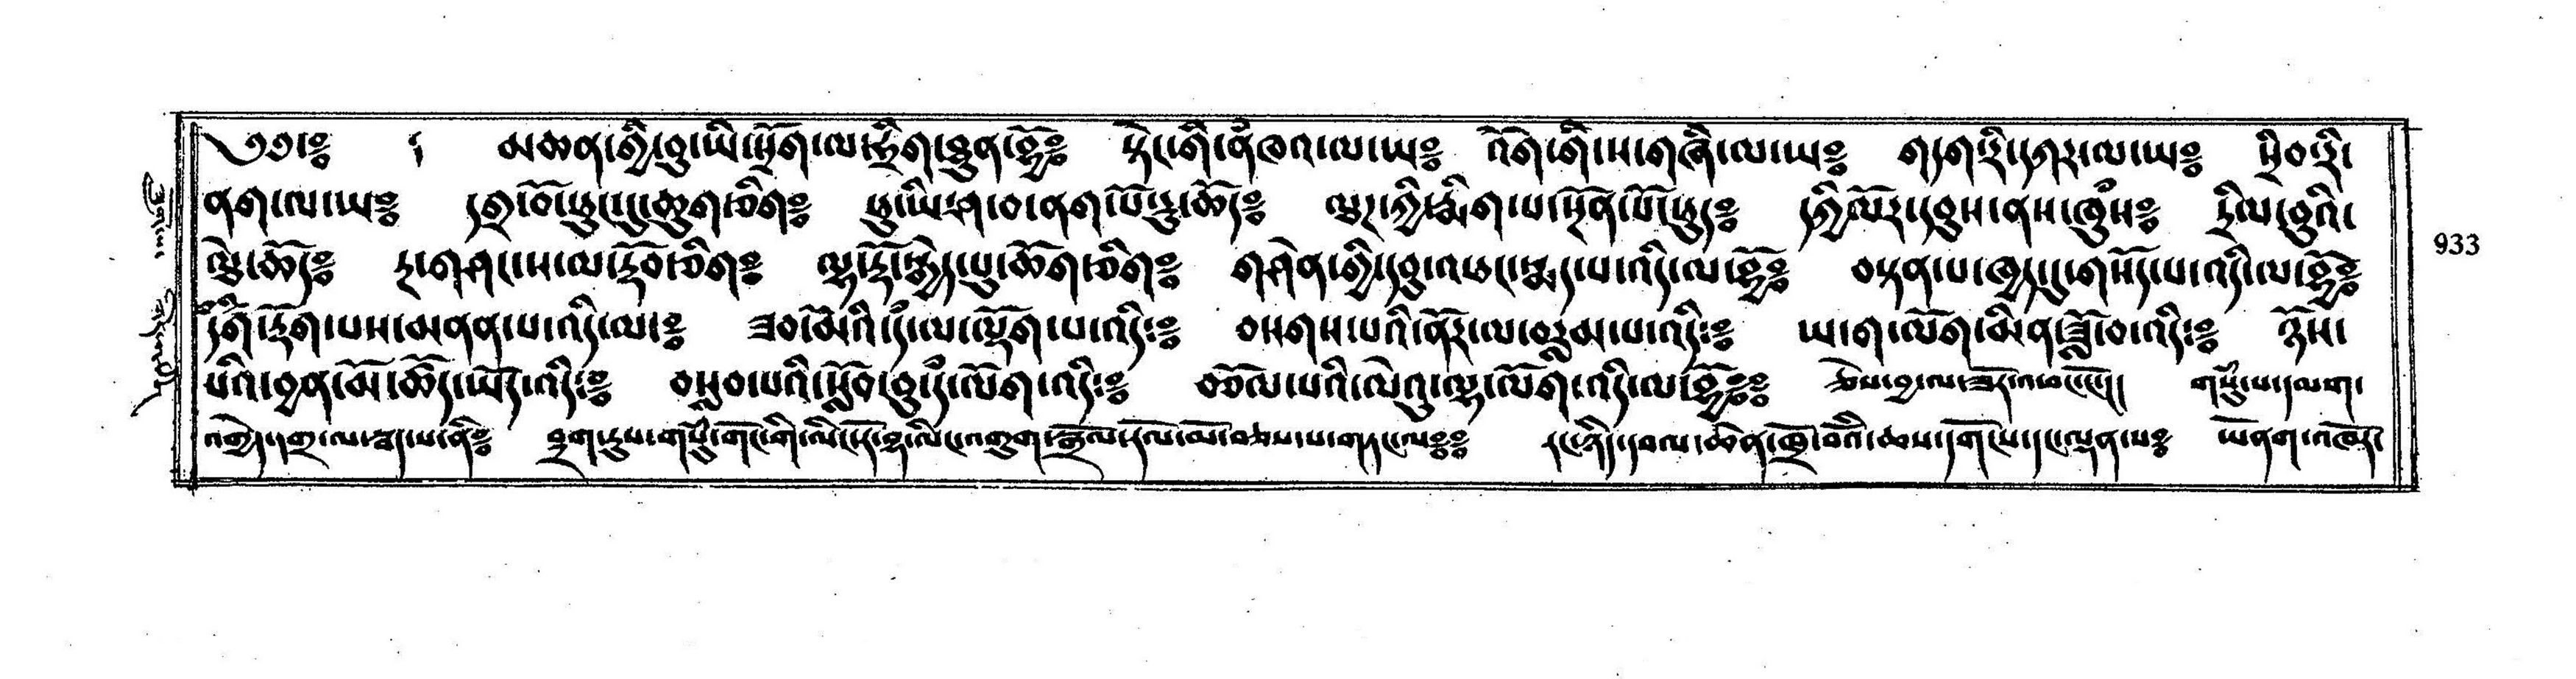མཆན་གྱི་བུ་ཡི་སྲོག་ལ་ཧྲིག་ཐུན་བྷྱོ༔ སྟེང་གི་ནམ་མཁའ་ལ་ཡ༔ འོག་གི་ས་གཞི་ལ་ཡ༔ གདག་རི་དཀར་ལ་ཡ༔ སྲིབ་རི་
ནག་ལ་ཡ༔ དགྲ་བོ་ཕུང་དུ་ཆུག་ཅིག༔ ཕུ་ཡི་ཤ་བ་ནག་པོ་རུ་ཆོད༔ ལྕགས་ཀྱི་རྨིག་པ་སྔོན་པོ་ཕུད༔ དཀྱིལ་འཁོར་དབུས་ནས་ཁུཾས༔ དྲིལ་བུའི་
ལྕེ་ཆོད༔ རྔ་གཤང་ས་ལ་རྡོབ་ཅིག༔ ལྷ་རྡོ་སྒྱེད་པུ་ཆོག་ཅིག༔ གཤེན་གྱི་དབུ་འཕང་སྨད་པ་འདི་ལ་བྷྱོ༔ བསྟན་པ་ཁྱད་དུ་གསོད་པ་འདི་ལ་བྷྱོ༔ 
དམ་ཚིག་རྡོག་པས་མནན་པ་འདི་ལ༔ ཟབ་མོའི་དམ་ལ་ལྡོག་པ་འདི༴༔ བསགས་པའི་ནོར་ལ་བརླམ་པ་འདི༴༔ ཡ་ག་ལོག་མིན་ཟློ་བ་འདི༴༔ ཉོས་
པའི་བྱན་མོ་ཚོད་ཡོད་འདི༴༔ བསླབ་པའི་སློབ་བུ་དམ་ལོག་འདི༴༔ བཅོལ་པའི་ལེའུ་ལྷ་ལོག་འདི་ལ་བྷྱོ༔༔ ཅེས་བྱ་ལ་ཟོར་འཕང་ངོ་།། གསུམ་པ་དམག་
འགྱེད་དགྲ་ལ་སྦད་པ་ནི༔ ཤ་ཁྲག་རུས་གསུམ་གོང་གི་ལིང་རོ་བྷ་ལིང་འགུག་སྒྲོལ་རོལ་མོ་བཅས་པ་གཏང་ལ༔༔ རང་ཉིད་དབལ་ཆེན་ཁྲོ་བོའི་ཆས་དགོངས་དང་ལྡན་པ༔ ཡོན་བདག་འཁོར་